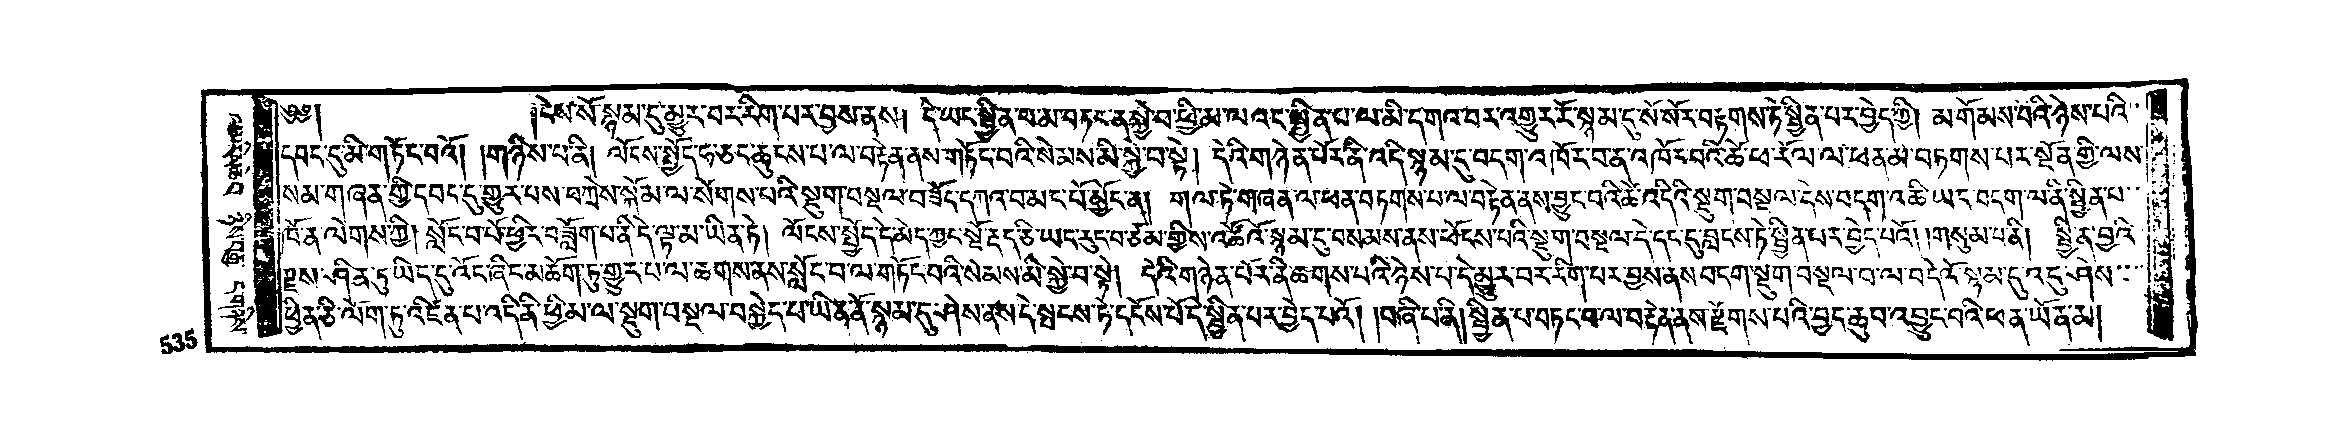༄༅། །ངེས་སོ་སྙམ་དུ་མྱུར་བར་རིག་པར་བྱས་ནས། དེ་ཡང་སྦྱིན་པ་མ་བཏང་ན་སྐྱེ་བ་ཕྱི་མ་ལའང་སྦྱིན་པ་ལ་མི་དགའ་བར་འགྱུར་རོ་སྙམ་དུ་སོ་སོར་བརྟགས་ཏེ་སྦྱིན་པར་བྱེད་ཀྱི། མ་གོམས་པའི་ཉེས་པའི་
དབང་དུ་མི་གཏོང་བའོ། །གཉིས་པ་ནི། ལོངས་སྤྱོད་ཧ་ཅང་ཆུངས་པ་ལ་བརྟེན་ནས་གཏོང་བའི་སེམས་མི་སྐྱེ་བ་སྟེ། དེའི་གཉེན་པོར་ནི་འདི་སྙམ་དུ་བདག་འཁོར་བ་ན་འཁོར་བའི་ཅྶེ་ཕ་རོལ་ལ་ཕན་མ་བཏགས་པར་སྔོན་གྱི་ལས་
སམ་གཞན་གྱི་དབང་དུ་གྱུར་པས་བཀྲེས་སྐོམ་ལ་སོགས་པའི་སྡུག་བསྔལ་བཟོད་དཀའ་བ་མང་པོ་མྱོང་ན། གལ་ཏེ་གཞན་ལ་ཕན་བཏགས་པ་ལ་བརྟེན་ནས་བྱུང་བའི་ཚེ་འདིའི་སྡུག་བསྔལ་དེས་བདག་འཆི་ཡང་བདག་ལ་ནི་སྦྱིན་པ་
ཁོ་ན་ལེགས་ཀྱི། སློང་བ་པོ་ཕྱིར་བཟློག་པ་ནི་དེ་ལྟ་མ་ཡིན་ཏེ། ལོངས་སྤྱོད་དེ་མེད་ཀྱང་སྔོ་རྔད་ཅི་ཡང་རུང་བ་ཙམ་གྱིས་འཚོའོ་སྙམ་དུ་བསམས་ནས་ཕོངས་པའི་སྡུག་བསྔལ་དེ་དང་དུ་བླངས་ཏེ་སྦྱིན་པར་བྱེད་པའོ། །གསུམ་པ་ནི། སྦྱིན་བྱའི་
རྫས་ཤིན་ཏུ་ཡིད་དུ་འོང་ཞིང་མཆོག་ཏུ་གྱུར་པ་ལ་ཆགས་ནས་སློང་བ་ལ་གཏོང་བའི་སེམས་མི་སྐྱེ་བ་སྟེ། དེའི་གཉེན་པོར་ནི་ཆགས་པའི་ཉེས་པ་དེ་མྱུར་བར་རིག་པར་བྱས་ནས་བདག་སྡུག་བསྔལ་བ་ལ་བདེའོ་སྙམ་དུ་འདུ་ཤེས་
ཕྱིན་ཅི་ཕོག་ཏུ་འཛིན་པ་འདི་ནི་ཕྱི་མ་ལ་སྡུག་བསྔལ་བསྐྱེད་པ་ཡིན་ནོ་སྙམ་དུ་ཤེས་ནས་དེ་སྤངས་ཏེ་དངོས་པོ་དེ་སྦྱིན་པར་བྱེད་པའོ། །བཞི་པ་ནི། སྦྱིན་པ་བཏང་བ་ལ་བརྟེན་ནས་རྫོགས་པའི་བྱང་ཆུབ་འབྱུང་བའི་ཕན་ཡོན་མ་